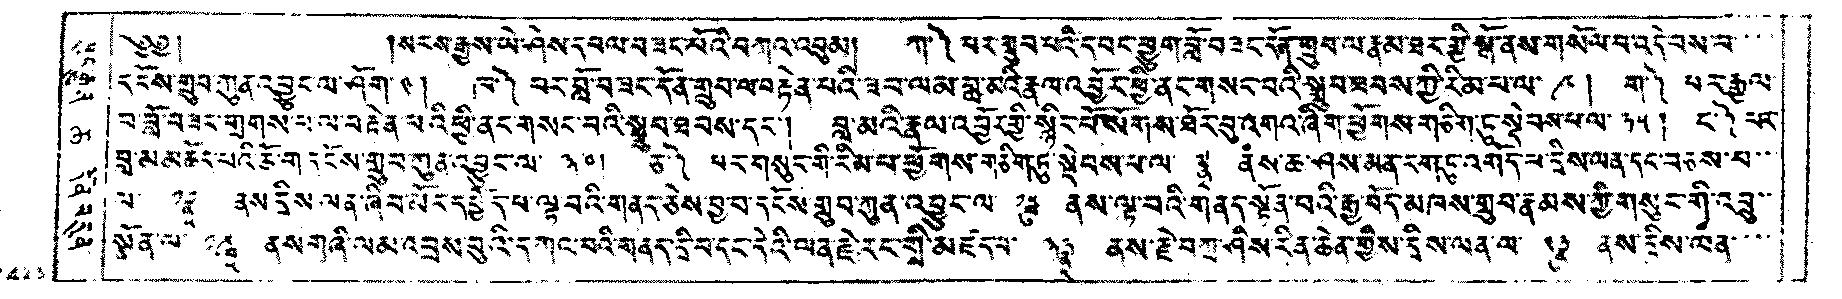༄༅། །སངས་རྒྱས་ཡེ་ཤེས་དཔལ་བཟང་པོའི་བཀའ་འབུམ། ཀ྄་པར་གྲུབ་པའི་དབང་ཕྱུག་བློ་བཟང་དོན་གྲུབ་ལ་རྣམ་ཐར་གྱི་སྒོ་ནས་གསོལ་བ་འདེབས་པ་
དངོས་གྲུབ་ཀུན་འབྱུང་ལ་ཤོག ༤། ཁ྄་པར་བློ་བཟང་དོན་གྲུབ་ལ་བརྟེན་པའི་ཟབ་ལམ་བླ་མའི་རྣལ་འབྱོར་ཕྱི་ནང་གསང་བའི་སྒྲུབ་ཐབས་ཀྱི་རིམ་པ་ལ ༩། ག྄་པར་རྒྱལ་
བ་བློ་བཟང་གྲགས་པ་ལ་བརྟེན་པའི་ཕྱི་ནང་གསང་བའི་སྒྲུབ་ཐབས་དང་། བླ་མའི་རྣལ་འབྱོར་གྱི་སྙིང་པོ་སོགས་ཐོར་བུ་འགའ་ཞིག་ཕྱོགས་གཅིག་ཏུ་སྡེབས་པ་ལ ༢༥། ང྄་པར་
བླ་མ་མཆོད་པའི་ཆོ་ག་དངོས་གྲུབ་ཀུན་འབྱུང་ལ ༣༠། ཅ྄་པར་གསུང་གི་རིམ་པ་ཕྱོགས་གཅིག་ཏུ་སྡེབས་པ་ལ ༧་ན ༨་ནཾས་ཆ་ཤས་མན་ངག་ཏུ་འགོད་པ་དྲིས་ལན་དང་བཅས་པ་
ལ ༡༡་ན ༥་ནས་དྲིས་ལན་ཞིབ་མོར་དཔྱོད་པ་ལྟ་བའི་གནད་ཅེས་བྱ་བ་དངོས་གྲུབ་ཀུན་འབྱུང་ལ ༡༥་བ ༦་ནས་ལྟ་བའི་གནད་སྟོན་པའི་རྒྱ་བོད་མཁས་གྲུབ་རྣམས་ཀྱི་གསུང་གི་འབྲུ་
སྣོན་ལ ༡༩་བ ༥་ནས་གཞི་ལམ་འབྲས་བུའི་དཀའ་བའི་གནད་དྲི་བ་དང་དེའི་ལན་རྗེ་རང་གིས་མཛད་པ ༣༢་ན ༥་ནས་རྗེ་བཀྲ་ཤིས་རིན་ཆེན་གྱིས་དྲིས་ལན་ལ ༤༢་ན ༦་ནས་དྲིས་ལན་